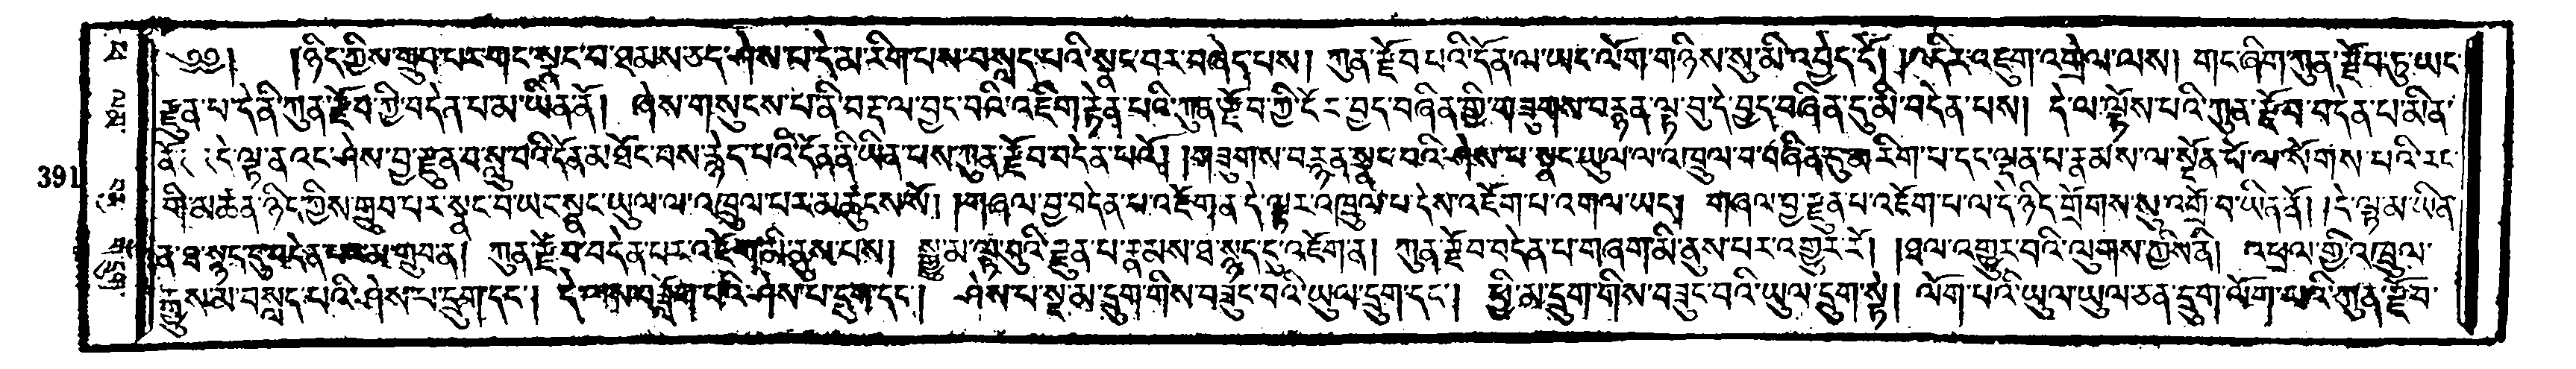༄༅། །ཉིད་ཀྱིས་གྲུབ་པར་གང་སྣང་བ་ཐམས་ཅད་ཤེས་པ་དེ་མ་རིག་པས་བསླད་པའི་སྣང་བར་བཞེད་པས། ཀུན་རྫོབ་པའི་དོན་ལ་ཡང་ལོག་གཉིས་སུ་མི་འབྱེད་དོ། །འདིར་འཇུག་འགྲེལ་ལས། གང་ཞིག་ཀུན་རྫོབ་ཏུ་ཡང་
རྫུན་པ་དེ་ནི་ཀུན་རྫོབ་ཀྱི་བདེན་པ་མ་ཡིན་ནོ། ཞེས་གསུངས་པ་ནི་བརྡ་ལ་བྱང་བའི་འཇིག་རྟེན་པའི་ཀུན་རྫོབ་ཀྱི་ངོང་བྱད་བཞིན་གྱི་གཟུགས་བརྙན་ལྟ་བུ་དེ་བྱད་བཞིན་དུ་མི་བདེན་པས། དེ་ལ་ལྟོས་པའི་ཀུན་རྫོབ་བདེན་པ་མིན་
ནོ༑ ༑དེ་ལྟ་ནའང་ཤེས་བྱ་རྫུན་བ་སླུ་བའི་དོན་མཐོང་བས་རྙེད་པའི་དོན་ནི་ཡིན་པས་ཀུན་རྫོབ་བདེན་པའོ། །གཟུགས་བརྙན་སྣང་བའི་ཤེས་པ་སྣང་ཡུལ་ལ་འཁྲུལ་བ་བཞིན་དུ་མ་རིག་པ་དང་ལྡན་པ་རྣམས་ལ་སྔོན་པོ་ལ་སོགས་པའི་རང་
གི་མཚན་ཉིད་ཀྱིས་གྲུབ་པར་སྣང་བ་ཡང་སྣང་ཡུལ་ལ་འཁྲུལ་པར་མཚུངས་སོ། །གཞལ་བྱ་བདེན་པ་འཇོག་ན་དེ་ལྟར་འཁྲུལ་པ་དེས་འཇོག་པ་འགལ་ཡང་། གཞལ་བྱ་རྫུན་པ་འཇོག་པ་ལ་དེ་ཉིད་གྲོགས་སུ་འགྲོ་བ་ཡིན་ནོ། །དེ་ལྟ་མ་ཡིན་
ན་ཐ་སྙད་དུ་བདེན་པར་མ་གྲུབ་ན། ཀུན་རྫོབ་བདེན་པར་འཇོག་མི་ནུས་པས། སྒྱུ་མ་ལྟ་བུའི་རྫུན་པ་རྣམས་ཐ་སྙད་དུ་འཇོག་ན། ཀུན་རྫོབ་བདེན་པ་གཞག་མི་ནུས་པར་འགྱུར་རོ། །ཐལ་འགྱུར་བའི་ལུགས་ཀྱིས་ནི། འཕྲལ་གྱི་འཁྲུལ་
རྒྱུས་མ་བསླད་པའི་ཤེས་པ་དྲུག་དང་། དེ་ལས་བཟློག་པའི་ཤེས་པ་དྲུག་དང་། ཤེས་པ་སྔ་མ་དྲུག་གིས་བཟུང་བའི་ཡུལ་དྲུག་དང་། ཕྱི་མ་དྲུག་གིས་བཟུང་བའི་ཡུལ་དྲུག་སྟེ། ལོག་པའི་ཡུལ་ཡུལ་ཅན་དྲུག་ལོག་པའི་ཀུན་རྫོབ་